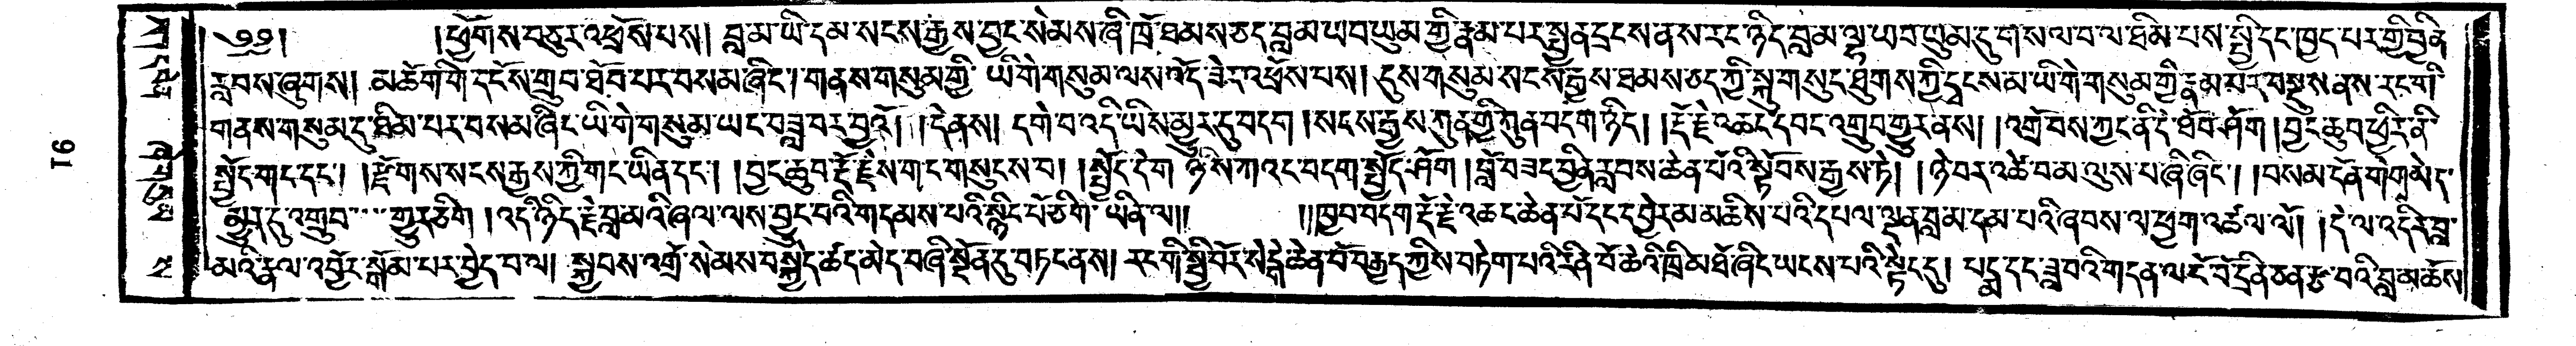༄༅། །ཕྱོགས་བཅུར་འཕྲོས་པས། བླ་མ་ཡི་དམ་སངས་རྒྱས་བྱང་སེམས་ཞི་ཁྲོ་ཐམས་ཅད་བླ་མ་ཡབ་ཡུམ་གྱི་རྣམ་པར་སྤྱན་དྲངས་ནས་རང་ཉིད་བླ་མ་ལྷ་ཡབ་ཡུམ་དུ་གསལ་བ་ལ་ཐིམ་པས་སྤྱི་དང་ཁྱད་པར་གྱི་བྱིན་
རླབས་ཞུགས། མཆོག་གི་དངོས་གྲུབ་ཐོབ་པར་བསམ་ཞིང་། གནས་གསུམ་གྱི་ཡི་གེ་གསུམ་ལས་འོད་ཟེར་འཕྲོས་པས། དུས་གསུམ་སངས་རྒྱས་ཐམས་ཅད་ཀྱི་སྐུ་གསུང་ཐུགས་ཀྱི་དྭངས་མ་ཡི་གེ་གསུམ་གྱི་རྣམ་པར་བསྡུས་ནས་རང་གི་
གནས་གསུམ་དུ་ཐིམ་པར་བསམ་ཞིང་ཡི་གེ་གསུམ་ཡང་བཟླ་བར་བྱའོ། །དེ་ནས། དགེ་བ་འདི་ཡིས་མྱུར་དུ་བདག །སངས་རྒྱས་ཀུན་གྱི་ཀུན་བདག་ཉིད། །རྡོ་རྗེ་འཆང་དབང་འགྲུབ་གྱུར་ནས། །འགྲོ་བས་ཀྱང་ནི་དེ་ཐོབ་ཤོག །བྱང་ཆུབ་ཕྱིར་ནི་
སྤྱོད་གང་དང་། །རྫོགས་སངས་རྒྱས་ཀྱི་གང་ཡིན་དང་། །བྱང་ཆུབ་རྡོ་རྗེས་གང་གསུངས་བ། །སྤྱོད་དེ་གཉིས་ཀའང་བདག་སྤྱོད་ཤོག །བློ་བཟང་བྱིན་རླབས་ཆེན་པོའི་སྟོབས་རྒྱས་ཏེ། །ཉེ་བར་འཚེ་བ་མ་ལུས་པ་ཞི་ཞིང་། །བསམ་དོན་གེགས་མེད་
མྱུར་དུ་འགྲུབ་གྱུར་ཅིག །འདི་ཉིད་རྗེ་བླ་མའི་ཞལ་ལས་བྱུང་བའི་གདམས་པའི་སྙིང་པོ་ཅིག་ཡིན་ལ།། །།ཁྱབ་བདག་རྡོ་རྗེ་འཆང་ཆེན་པོ་དང་དབྱེར་མ་མཆིས་པའི་དཔལ་ལྡན་བླ་མ་དམ་པའི་ཞབས་ལ་ཕྱག་འཚལ་ལོ། །དེ་ལ་འདིར་བླ་
མའི་རྣལ་འབྱོར་སྒོམ་པར་བྱེད་པ་ལ། སྐྱབས་འགྲོ་སེམས་བསྐྱེད་ཚད་མེད་བཞི་སྔོན་དུ་བཏང་ནས། རང་གི་སྤྱི་བོར་སེངྒེ་ཆེན་པོ་བརྒྱད་ཀྱིས་བཏེག་པའི་རིན་པོ་ཆེའི་ཁྲི་མཐོ་ཞིང་ཡངས་པའི་སྟེང་དུ། པདམ་དང་ཟླ་བའི་གདན་ལ་ངོ་བོ་དྲིན་ཅན་རྩ་བའི་བླ་མ་ཆོས་